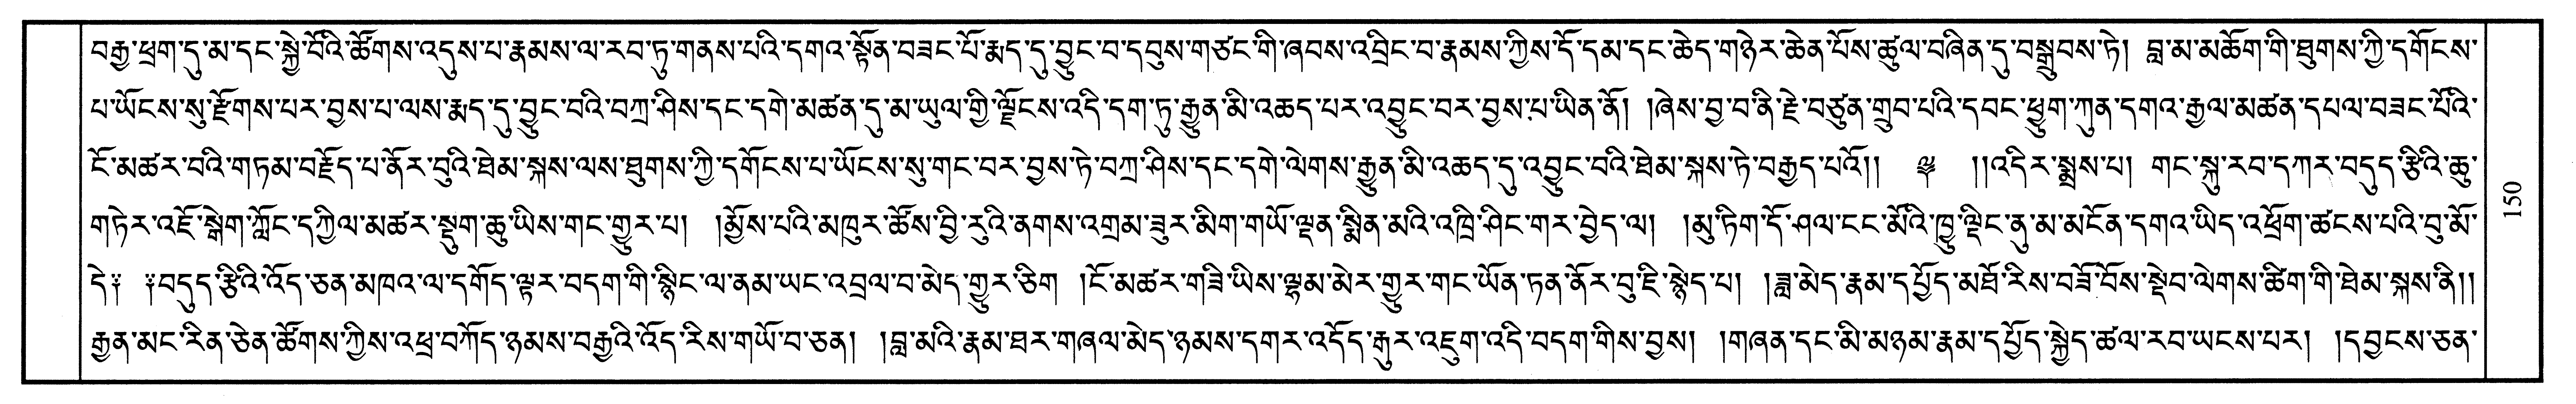བརྒྱ་ཕྲག་དུ་མ་དང་སྐྱེ་བོའི་ཚོགས་འདུས་པ་རྣམས་ལ་རབ་ཏུ་གནས་པའི་དགའ་སྟོན་བཟང་པོ་རྨད་དུ་བྱུང་བ་དབུས་གཙང་གི་ཞབས་འབྲིང་བ་རྣམས་ཀྱིས་དོ་དམ་དང་ཆེད་གཉེར་ཆེན་པོས་ཚུལ་བཞིན་དུ་བསྒྲུབས་ཏེ། བླ་མ་མཆོག་གི་ཐུགས་ཀྱི་དགོངས་
པ་ཡོངས་སུ་རྫོགས་པར་བྱས་པ་ལས་རྨད་དུ་བྱུང་བའི་བཀྲ་ཤིས་དང་དགེ་མཚན་དུ་མ་ཡུལ་གྱི་ལྗོངས་འདི་དག་ཏུ་རྒྱུན་མི་འཆད་པར་འབྱུང་བར་བྱས་པ་ཡིན་ནོ། །ཞེས་བྱ་བ་ནི་རྗེ་བཙུན་གྲུབ་པའི་དབང་ཕྱུག་ཀུན་དགའ་རྒྱལ་མཚན་དཔལ་བཟང་པོའི་
ངོ་མཚར་བའི་གཏམ་བརྗོད་པ་ནོར་བུའི་ཐེམ་སྐས་ལས་ཐུགས་ཀྱི་དགོངས་པ་ཡོངས་སུ་གང་བར་བྱས་ཏེ་བཀྲ་ཤིས་དང་དགེ་ལེགས་རྒྱུན་མི་འཆད་དུ་འབྱུང་བའི་ཐེམ་སྐས་ཏེ་བརྒྱད་པའོ།། ༈ །།འདིར་སྨྲས་པ། གང་སྐུ་རབ་དཀར་བདུད་རྩིའི་ཆུ་
གཏེར་འཇོ་སྒེག་ཀློང་དཀྱིལ་མཚར་སྡུག་ཆུ་ཡིས་གང་གྱུར་པ། །མྱོས་པའི་མཁུར་ཚོས་བྱི་རུའི་ནགས་འགྲམ་ཟུར་མིག་གཡོ་ལྡན་སྨིན་མའི་འཁྲི་ཤིང་གར་བྱེད་ལ། །མུ་ཏིག་དོ་ཤལ་ངང་མོའི་ཁྱུ་ལྡིང་ནུ་མ་མངོན་དགའ་ཡིད་འཕྲོག་ཚངས་པའི་བུ་མོ་
དེ༑ ༑བདུད་རྩིའི་འོད་ཅན་མཁའ་ལ་དགོད་ལྟར་བདག་གི་སྙིང་ལ་ནམ་ཡང་འབྲལ་བ་མེད་གྱུར་ཅིག །ངོ་མཚར་གཟི་ཡིས་ལྷམ་མེར་གྱུར་གང་ཡོན་ཏན་ནོར་བུ་ཇི་སྙེད་པ། །ཟླ་མེད་རྣམ་དཔྱོད་མཐོ་རིས་བཟོ་བོས་སྡེབ་ལེགས་ཚིག་གི་ཐེམ་སྐས་ནི།།
རྒྱན་མང་རིན་ཅེན་ཚོགས་ཀྱིས་འཕྲ་བཀོད་ཉམས་བརྒྱའི་འོད་རིས་གཡོ་བ་ཅན། །བླ་མའི་རྣམ་ཐར་གཞལ་མེད་ཉམས་དགར་འདོད་རྒུར་འཇུག་འདི་བདག་གིས་བྱས། །གཞན་དང་མི་མཉམ་རྣམ་དཔྱོད་སྐྱེད་ཚལ་རབ་ཡངས་པར། །དབྱངས་ཅན་